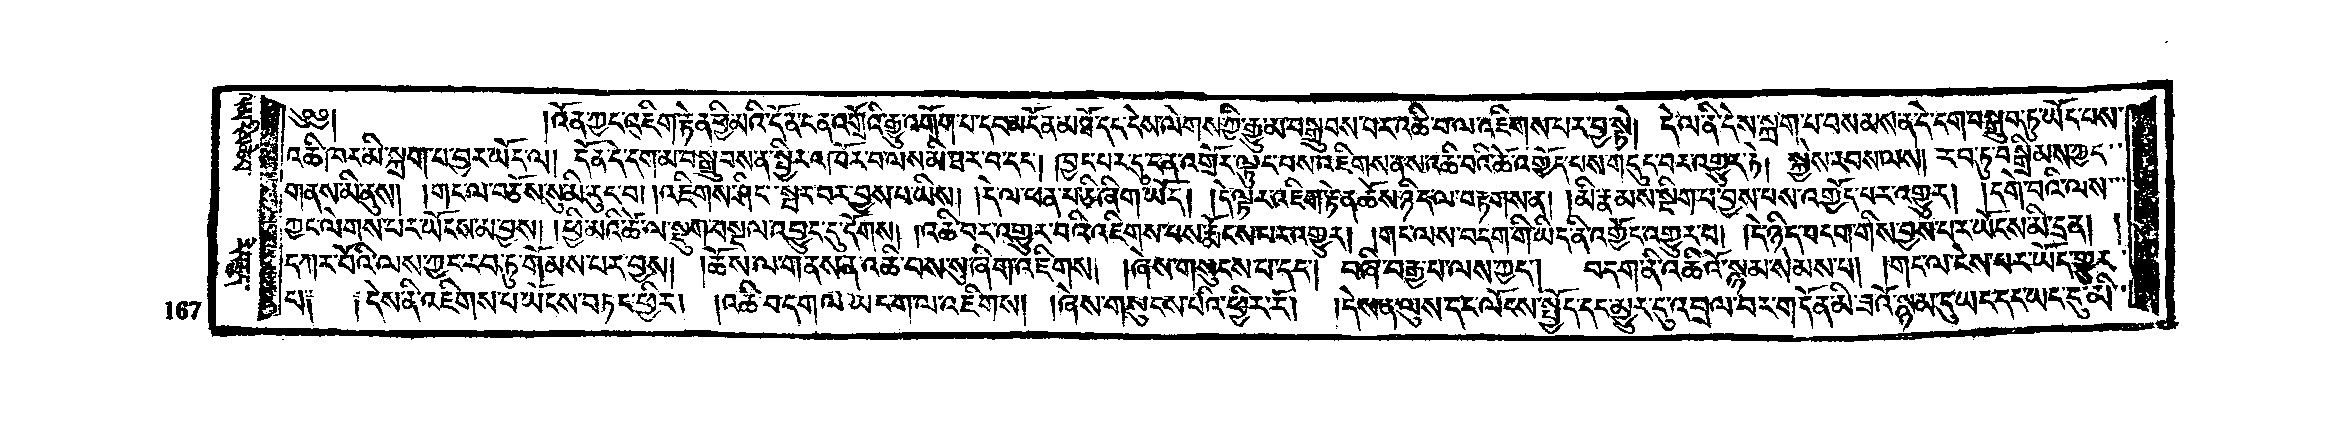༄༅། །འོན་ཀྱང་འཇིག་རྟེན་ཕྱི་མའི་དོན་ངན་འགྲོའི་རྒྱུ་འགོག་པ་དང་མངོན་མཐོ་དང་ངེས་ལེགས་ཀྱི་རྒྱུ་མ་བསྒྲུབས་པར་འཆི་བ་ལ་འཇིགས་པར་བྱ་སྟེ། དེ་ལ་ནི་དེས་སྐྲག་པ་བསམས་ན་དེ་དག་བསྒྲུབ་ཏུ་ཡོད་པས་
འཆི་ཁར་མི་སྐྲག་པ་བྱར་ཡོད་ལ། དོན་དེ་དག་མ་བསྒྲུབས་ན་སྤྱིར་འཁོར་བ་ལས་མི་ཐར་བ་དང་། ཁྱད་པར་དུ་ངན་འགྲོར་ལྟུང་བས་འཇིགས་ནས་འཆི་བའི་ཚེ་འགྱོད་པས་གདུང་བར་འགྱུར་ཏེ། སྐྱེས་རབས་ལས། རབ་ཏུ་བསྒྲིམས་ཀྱང་
གནས་མི་ནུས། །གང་ལ་བཅོས་སུ་མི་རུང་བ། །འཇིགས་ཤིང་སྐར་བར་བྱས་པ་ཡིས། །དེ་ལ་ཕན་པ་ཅི་ཞིག་ཡོད། །དེ་ལྟར་འཇིག་རྟེན་ཆོས་ཉིད་ལ་བརྟགས་ན། །མི་རྣམས་སྡིག་པ་བྱས་པས་འགྱོད་པར་འགྱུར། །དགེ་བའི་ལས་
ཀྱང་ལེགས་པར་ཡོངས་མ་བྱས། །ཕྱི་མའི་ཚེ་ལ་སྡུག་བསྔལ་འབྱུང་དུ་དོགས། །འཆི་བར་འགྱུར་བའི་འཇིགས་པས་རྨོངས་པར་འགྱུར། །གང་ལས་བདག་གི་ཡིད་ནི་འགྱོད་འགྱུར་བ། །དེ་ཉིད་བདག་གིས་བྱས་པར་ཡོངས་མི་དྲན། །
དཀར་པོའི་ལས་ཀྱང་རབ་ཏུ་གོམས་པར་བྱས། །ཆོས་ལ་གནས་ན་འཆི་བས་སུ་ཞིག་འཇིགས། །ཞེས་གསུངས་པ་དང་། བཞི་བརྒྱ་པ་ལས་ཀྱང་། བདག་ནི་འཆིའོ་སྙམ་སེམས་པ། །གང་ལ་ངེས་པར་ཡོད་གྱུར་
པ༑ ༑དེས་ནི་འཇིགས་པ་ཡོངས་བཏང་ཕྱིར། །འཆི་བདག་ལ་ཡང་ག་ལ་འཇིགས། །ཞེས་གསུངས་པའི་ཕྱིར་རོ། །དེས་ན་ལུས་དང་ལོངས་སྤྱོད་དང་མྱུར་དུ་འབྲལ་བར་གདོན་མི་ཟའོ་སྙམ་དུ་ཡང་དང་ཡང་དུ་མི་